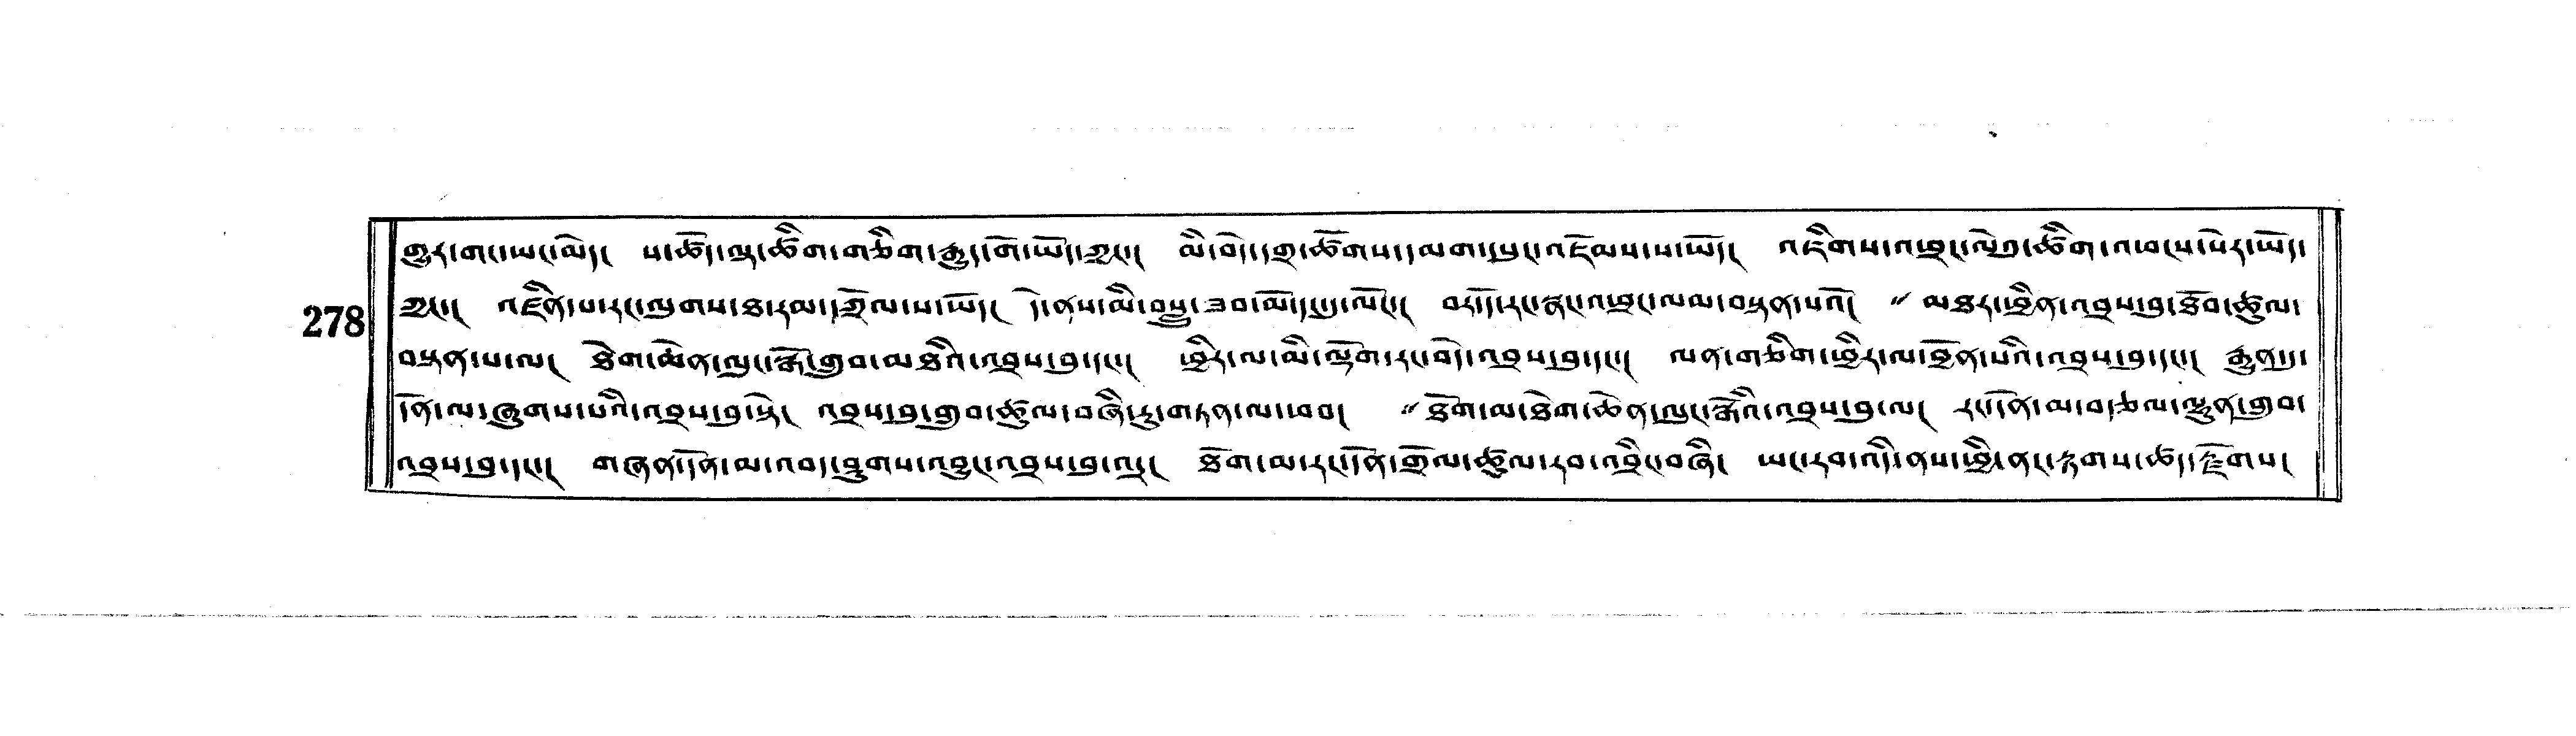གྱུར་གང་ཡང་མེད། ས་ཚོད་ལྟ་ཚིག་གཅིག་རྒྱུད་གོ་ཡོད་ཀྱང་། མི་བདེ་དགྲ་ཚོགས་དམག་དཔུང་འཇོམས་པ་ཡོད། འཇིགས་འཕྲང་ལེའུ་ཚིག་འཕངས་སེར་ཡོིད་
ཀྱང་། འཛིན་པ་རང་ལུགས་ཐ་རམ་དཀྲོལ་ས་ཡོད། དེ་ནས་མི་བསླུ་ཟབ་མོ་དང་དུ་ལོངས། བར་དོ་རང་སྣང་མཐོང་ལམ་བསྟན་པའོ། ༧ མཐར་ཕྱིན་འབྲས་བུ་ཐོབ་ཚུལ་
བསྟན་པ་ལ། ཐེག་ཆེན་ལུང་སྒོ་གྲུབ་མཐའི་འབྲས་བུ་དང་། ཕྱིར་ལ་མི་ལྡོག་རང་བདེ་འབྲས་བུ་དང་། ལན་ཅིག་ཕྱིར་ལ་བྱོན་པའི་འབྲས་བུ་དང་། རྒྱུན་དུ་
དོན་ལ་ཞུགས་པའི་འབྲས་བུ་སྟེ། འབྲས་བུ་གྲུབ་ཚུལ་བཞི་རུ་གཏན་ལ་ཕབ། ཐོག་མ་ཐེག་ཆེན་ལུང་སྒོའི་འབྲས་བུ་ལ། རང་དོན་མ་བཙལ་ལྷུན་གྲུབ་
འབྲས་བུ་དང་། གཞན་དོན་མ་འབད་ཤུགས་འབྱུང་འབྲས་བུ་འདྲ། ཐོག་མ་རང་དོན་གྲོལ་ཚུལ་རབ་འབྲིང་བཞི། ཡང་རབ་འདི་ནས་ཕྱི་ནང་རྟགས་ཚད་རྫོགས།